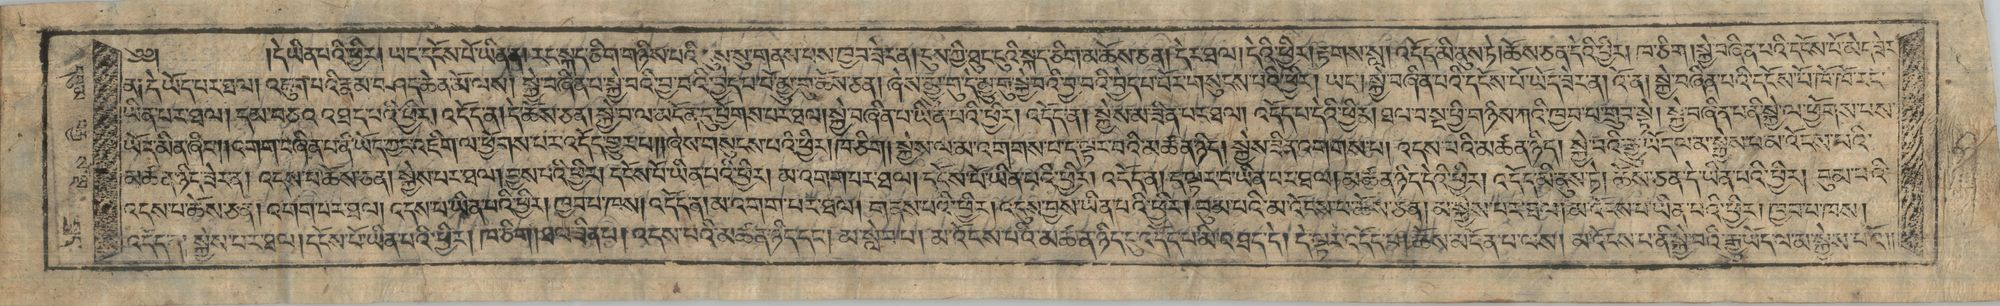༄༅། །དེ་ཡིན་པའི་ཕྱིར། ཡང་དངོས་པོ་ཡིན་ན། རང་སྐད་ཅིག་གཉིས་པའི་དུས་སུ་གནས་པས་ཁྱབ་ཟེར་ན། དུས་ཀྱི་ཐུང་ངུའི་སྐད་ཅིག་མ་ཆོས་ཅན། དེར་ཐལ། དེའི་ཕྱིར། རྟགས་སླ། འདོད་མི་ནུས་ཏེ། ཆོས་ཅན་དེའི་ཕྱིར། ཁ་ཅིག །སྐྱེ་བཞིན་པའི་དངོས་པོ་མེད་ཟེར་
ན། དེ་ཡོད་པར་ཐལ། འཇུག་པའི་རྣམ་བཤད་ཆེན་མོ་ལས། སྐྱེ་བཞིན་པ་སྐྱེ་བའི་བྱ་བའི་བྱེད་པ་པོ་མྱུ་གུ་ཆོས་ཅན། ཞེས་མྱུ་གུ་དེ་མྱུ་གུ་སྐྱེ་བའི་བྱ་བའི་བྱེད་པ་པོར་གསུངས་པའི་ཕྱིར། ཡང་། སྐྱེ་བཞིན་པའི་དངོས་པོ་ཡོད་ཟེར་ན། འོ་ན། སྐྱེ་བཞིན་པའི་དངོས་པོ་ཁོ་ཁོ་རང་
ཡིན་པར་ཐལ། དམ་བཅའ་འཐད་པའི་ཕྱིར། འདོད་ན། དེ་ཆོས་ཅན། སྐྱེ་བ་ལ་མངོན་དུ་ཕྱོགས་པར་ཐལ། སྐྱེ་བཞིན་པ་ཡིན་པའི་ཕྱིར། འདོད་ན། སྐྱེས་མ་ཟིན་པར་ཐལ། འདོད་པ་དེའི་ཕྱིར། ཐལ་བ་སྔ་ཕྱི་གཉིས་ཀའི་ཁྱབ་པ་གྲུབ་སྟེ། སྐྱེ་བཞིན་པ་ནི་སྐྱེ་ལ་ཕྱོགས་པས་
ཡོད་མིན་ཞིང་། །འགག་བཞིན་པ་ནི་ཡོད་ཀྱང་འཇིག་ལ་ཕྱོགས་པར་འདོད་གྱུར་པ། །ཞེས་གསུངས་པའི་ཕྱིར། ཁ་ཅིག །སྐྱེས་ལ་མ་འགགས་པ་ད་ལྟར་བའི་མཚན་ཉིད། སྐྱེས་ཟིན་འགགས་པ། འདས་པའི་མཚན་ཉིད། སྐྱེ་བའི་རྒྱུ་ཡོད་ལ་མ་སྐྱེས་པ་མ་འོངས་པའི་
མཚན་ཉིད་ཟེར་ན། འདས་པ་ཆོས་ཅན། སྐྱེས་པར་ཐལ། བྱས་པའི་ཕྱིར། དངོས་པོ་ཡིན་པའི་ཕྱིར། མ་འགག་པར་ཐལ། དངོས་པོ་ཡིན་པའི་ཕྱིར། འདོད་ན། ད་ལྟར་བ་ཡིན་པར་ཐལ། མཚན་ཉིད་དེའི་ཕྱིར། འདོད་མི་ནུས་ཏེ། ཆོས་ཅན་དེ་ཡིན་པའི་ཕྱིར། བུམ་པའི་
འདས་པ་ཆོས་ཅན། འགག་པར་ཐལ། འདས་པ་ཡིན་པའི་ཕྱིར། ཁྱབ་པ་ཁས། འདོད་ན། མ་འགག་པར་ཐལ། གནས་པའི་ཕྱིར། འདུས་བྱས་ཡིན་པའི་ཕྱིར། བུམ་པའི་མ་འོངས་པ་ཆོས་ཅན། མ་སྐྱེས་པར་ཐལ། མ་འོངས་པ་ཡིན་པའི་ཕྱིར། ཁྱབ་པ་ཁས།
འདོད་ན། སྐྱེས་པར་ཐལ། དངོས་པོ་ཡིན་པའི་ཕྱིར། ཁ་ཅིག །ཐལ་ཟིན་པ། འདས་པའི་མཚན་ཉིད་དང་། མ་སླེབ་པ། མ་འོངས་པའི་མཚན་ཉིད་དུ་འདོད་པ་མི་འཐད་དེ། དེ་ལྟར་འདོད་པ། ཆོས་མངོན་པ་ལས། མ་འོངས་པ་ནི་སྐྱེ་བའི་རྒྱུ་ཡོད་ལ་མ་སྐྱེས་པའོ།།